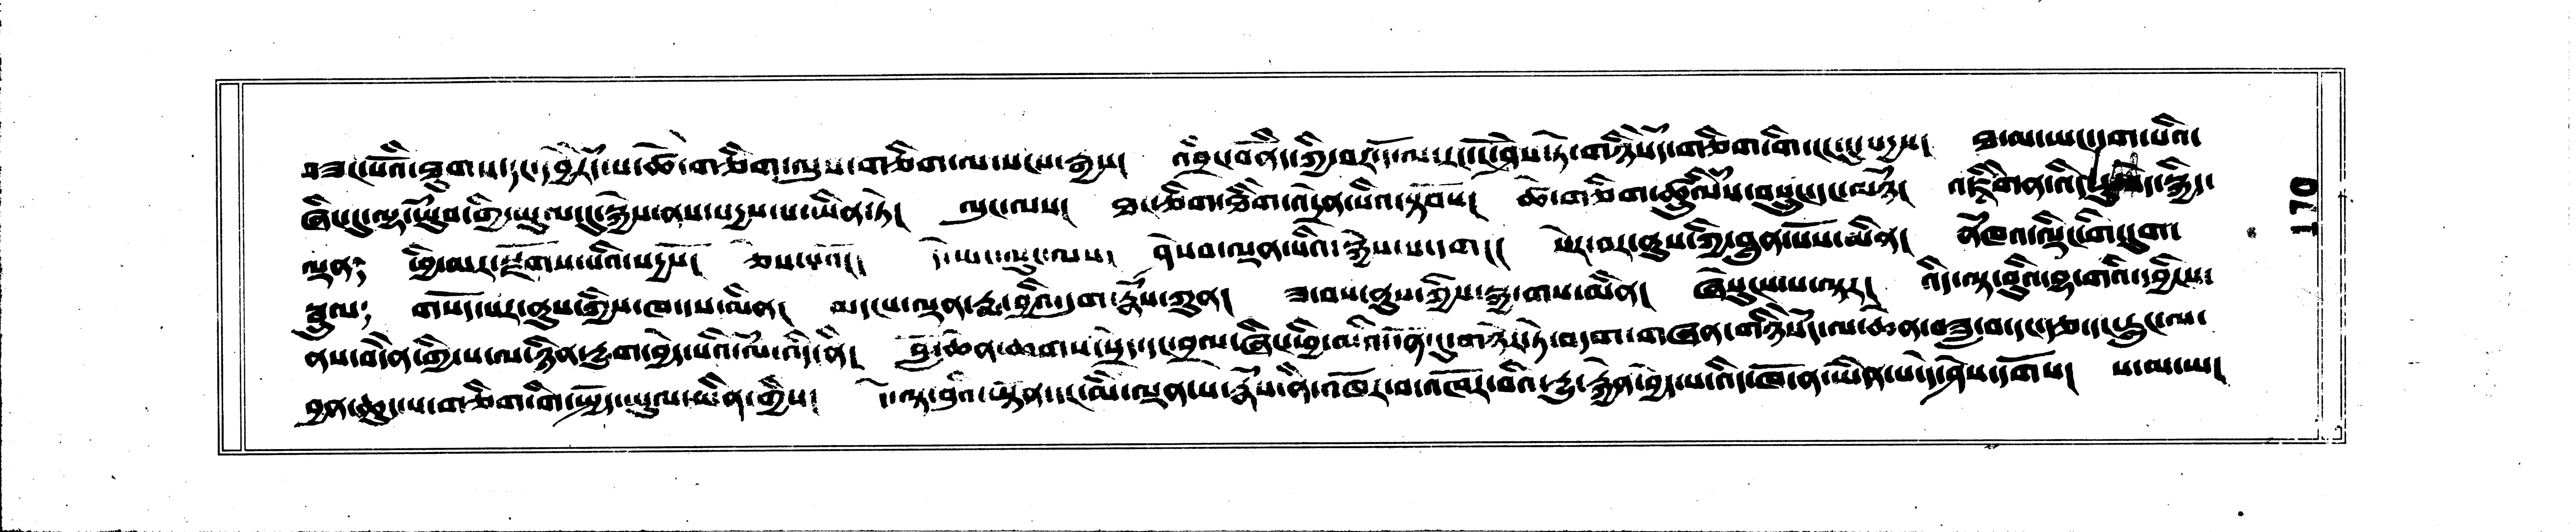བཟང་པོའི་ཐུགས་དང་དབྱེར་མེད་པ་ཚེ་གཅིག་ལུས་གཅིག་ལ་སངས་རྒྱས། འབྲིང་བོན་ཉིད་ཀྱི་བར་དོ་ལ་རང་ངོ་ཤེས་ཏེ་གཉིས་མེད་གཅིག་གི་ངང་དུ་སངས་རྒྱས། ཐ་མ་ཡང་དག་པའི་
ཞིང་དུ་ལྷ་ཡབ་ཡུམ་གྱི་ཡུལ་དུ་སྐྱེས་ནས་སངས་རྒྱས་པ་ཡིན་ཏེ། ལུང་ལས། ཐང་ཅིག་ཐིག་ལེ་འདྲེན་པའི་སྟོབས། ཚེ་གཅིག་ཚུལ་ཁྲིམས་བསྲུང་དང་མཉམ། །འཇིག་རྟེན་འདི་རུ་བདེ་སྐྱིད་
ལྡན། །ཕྱི་མར་རྫོགས་པའི་སངས་རྒྱས་སོ། །ཅེས་པའོ། །དེ་ཡང་ལུང་ལས། ཤེས་རབ་ལྡན་པའི་ཉེས་པ་དག །སེལ་བར་ནུས་ཀྱི་བླུན་པོས་མིན། །ནམ་མཁའ་ལྡིང་གིས་དུག་ཅན་
སྦྲུལ། །གསོད་པར་ནུས་ཀྱི་ཁྭ་ཏས་མིན། །མདངས་ལྡན་རྨ་བྱས་དུག་རྣམས་ཀུན། །ཟ་བར་ནུས་ཀྱིས་སྐྱ་ཀས་མིན། །ཞེས་གསུངས་པ་ལྟར། འདི་ལྟ་བུའི་བྷ་གའི་དབྱིངས་
ནས་བདེ་ཆེན་གྱི་ས་ལ་ཉིན་རྒྱུག་བྱེད་པའི་ལམ་འདི་ནི། བློ་ཆེན་ཆགས་སྲེད་དང་བྲལ་ཞིང་ཕྱི་མའི་དོན་དུ་གཉེར་ཏེ་བདག་གཞན་གཉིས་མེད་ལ་ཆེན་བཟླ་བ་དང་། རྩ་དང་རླུང་ལ་
བྱན་ཆུད་པ་ཞིག་གི་སྤྱོད་ཡུལ་ཡིན་གྱི། དེ་ལྟ་བུའི་ཡོན་ཏན་མི་ལྡན་པ་རྣམས་ནི་འཁོར་བ་འཁོར་བའི་རྒྱུ་རྐྱེན་བྱེད་པ་འདི་ཁོ་ན་ཡིན་པ་དེ་ཤེས་དགོས། ས་མ་ཡ།